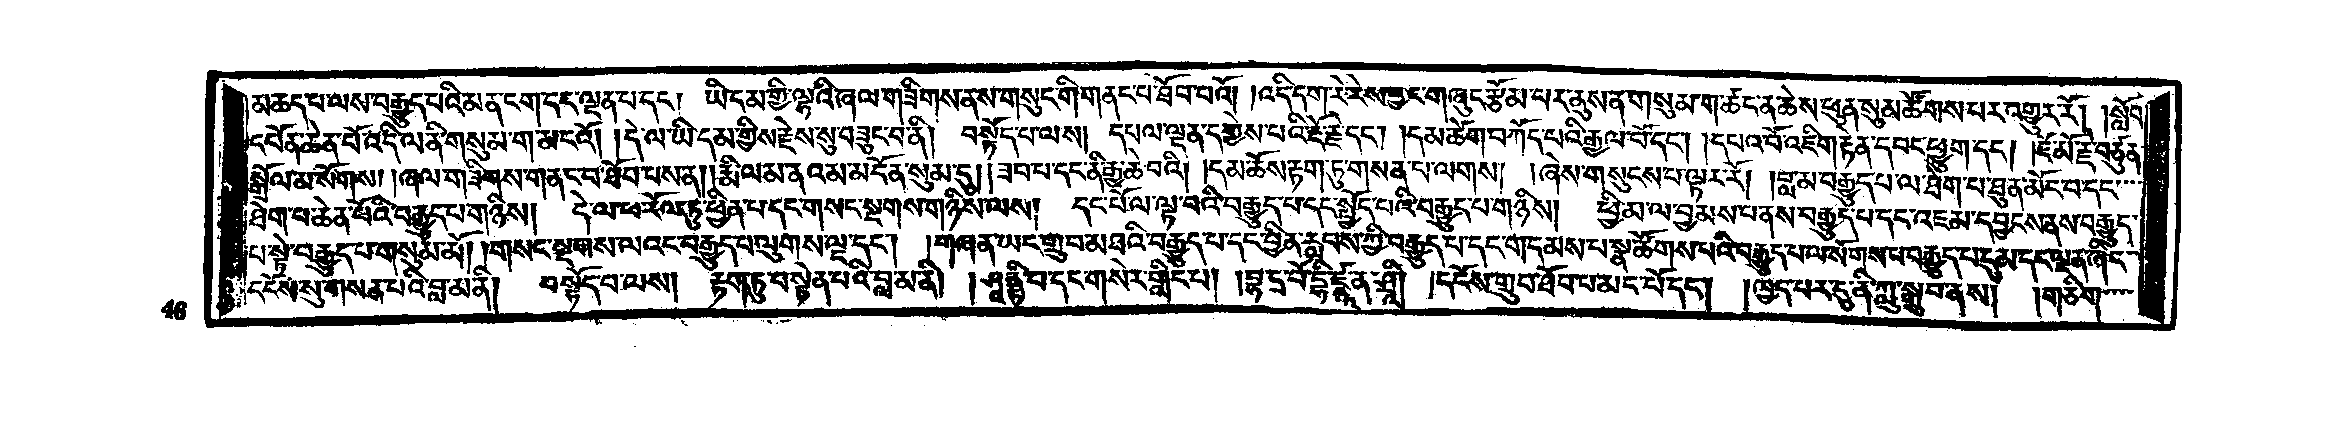མ་ཆད་པ་ལས་བརྒྱུད་པའི་མན་ངག་དང་ལྡན་པ་དང་། ཡི་དམ་གྱི་ལྷའི་ཞལ་གཟིགས་ནས་གསུང་གི་གནང་བ་ཐོབ་པའོ། །འདི་དག་རེ་རེས་ཀྱང་གཞུང་རྩོམ་པར་ནུས་ན་གསུམ་ག་ཚང་ན་ཆེས་ཕུན་སུམ་ཚོགས་པར་འགྱུར་རོ། །སློབ་
དཔོན་ཆེན་པོ་འདི་ལ་ནི་གསུམ་ག་མངའོ། །དེ་ལ་ཡི་དམ་གྱིས་རྗེས་སུ་བཟུང་བ་ནི། བསྟོད་པ་ལས། དཔལ་ལྡན་དགྱེས་པའི་རྡོ་རྗེ་དང་། །དམ་ཚིག་བཀོད་པའི་རྒྱལ་པོ་དང་། །དཔའ་བོ་འཇིག་རྟེན་དབང་ཕྱུག་དང་། །ཇོ་མོ་རྗེ་བཙུན་
སྒྲོལ་མ་སོགས། །ཞལ་གཟིགས་གནང་བ་ཐོབ་པས་ན། །རྨི་ལམ་ན་འམ་མངོན་སུམ་དུ། །ཟབ་པ་དང་ནི་རྒྱ་ཆེ་བའི། །དམ་ཆོས་རྟག་ཏུ་གསན་པ་ལགས། །ཞེས་གསུངས་པ་ལྟར་རོ། །བླ་མ་བརྒྱུད་པ་ལ་ཐེག་པ་ཐུན་མོང་བ་དང་
ཐེག་པ་ཆེན་པོའི་བརྒྱུད་པ་གཉིས། དེ་ལ་ཕ་རོལ་ཏུ་ཕྱིན་པ་དང་གསང་སྔགས་གཉིས་ལས། དང་པོ་ལ་ལྟ་བའི་བརྒྱུད་པ་དང་སྤྱོད་པའི་བརྒྱུད་པ་གཉིས། ཕྱི་མ་ལ་བྱམས་པ་ནས་བརྒྱུད་པ་དང་འཇམ་དབྱངས་ནས་བརྒྱུད་
པ་སྟེ་བརྒྱུད་པ་གསུམ་མོ། །གསང་སྔགས་ལའང་བརྒྱུད་པ་ལུགས་ལྔ་དང་། གཞན་ཡང་གྲུབ་མཐའི་བརྒྱུད་པ་དང་བྱིན་རླབས་ཀྱི་བརྒྱུད་པ་དང་གདམས་པ་སྣ་ཚོགས་པའི་བརྒྱུད་པ་ལ་སོགས་པ་བརྒྱུད་པ་དུ་མ་དང་ལྡན་ཞིང་
དངོས་སུ་གསན་པའི་བླ་མ་ནི། བསྟོད་པ་ལས། རྟག་ཏུ་བསྟེན་པའི་བླ་མ་ནི། །ཤཱནྟི་བ་དང་གསེར་གླིང་བ། །བྷ་དྲ་བོ་དྷི་ཛྙ་ན་ཤྲཱི། །དངོས་གྲུབ་ཐོབ་པ་མང་པོ་དང་། །ཁྱད་པར་དུ་ནི་ཀླུ་སྒྲུབ་ནས། །གཅིག་